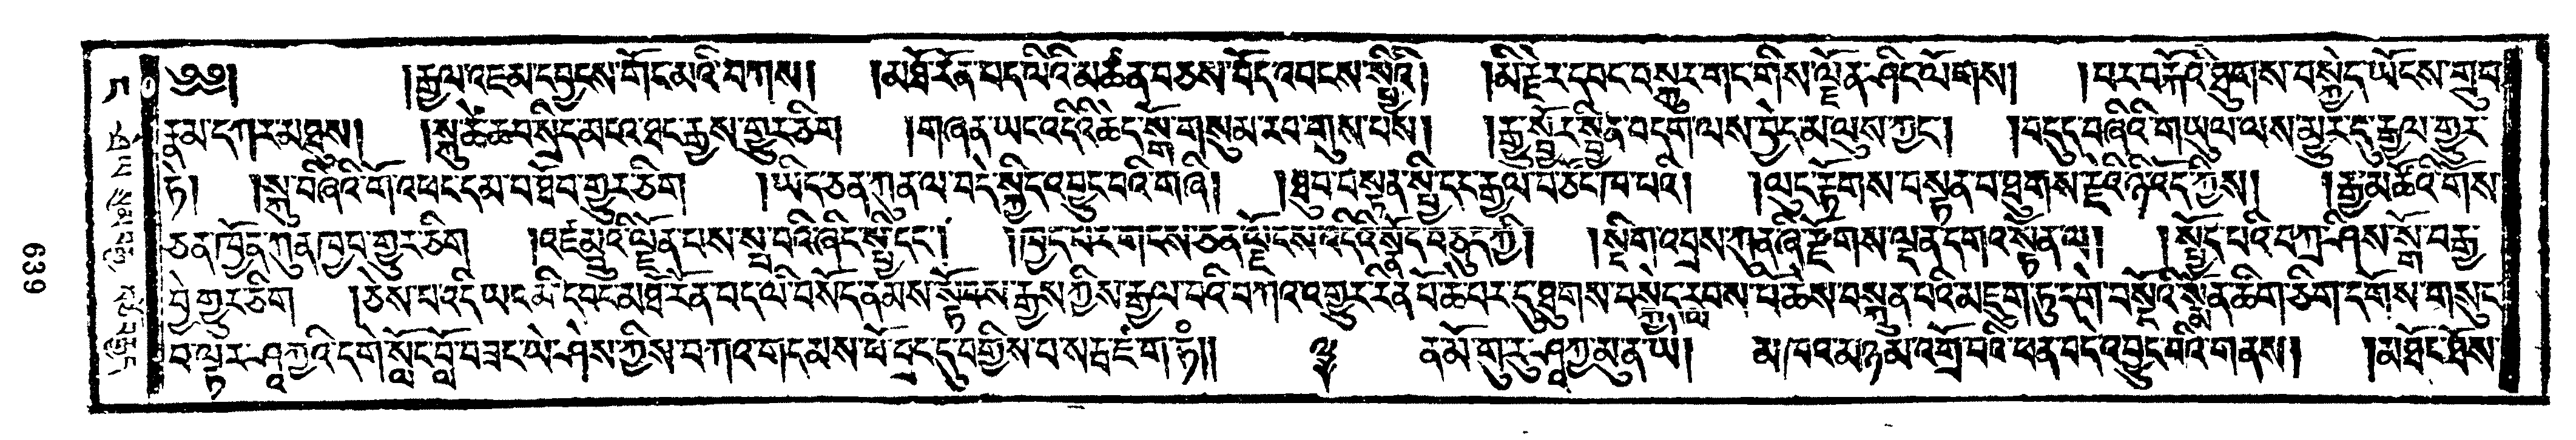༄༅། །རྒྱལ་འཇམ་དབྱངས་གོང་མའི་བཀས། །མཐོ་རོན་པད་ལིའི་མཚན་བཅས་བོད་འབངས་སྤྱིའི། །མི་རྗེར་དབང་བསྐུར་གང་གིས་ལྗོན་ཤིང་ལོགས། །པར་བརྐོའི་ཐུགས་བསྐྱེད་ཡོངས་གྲུབ་
རྣམ་དཀར་མཐུས། །སྐུ་ཚེ་ཆབ་སྲིད་མངའ་ཐང་རྒྱས་གྱུར་ཅིག །གཞན་ཡང་འདིའི་ཆེད་སྒོ་གསུམ་རབ་གུས་པས། །རྒྱུ་སྦྱོར་སྦྱིན་བདག་ལས་བྱེད་མ་ལུས་ཀྱང་། །བདུད་བཞིའི་གཡུལ་ལས་མྱུར་དུ་རྒྱལ་གྱུར་
ཏེ། །སྐུ་བཞིའི་གོ་འཕང་དམ་པ་ཐོབ་གྱུར་ཅིག །ཡིད་ཅན་ཀུན་ལ་བདེ་སྐྱིད་འབྱུང་བའི་གཞི། །ཐུབ་བསྟན་སྤྱི་དང་རྒྱལ་པ་ཙོང་ཁ་པའི། །ལུང་རྟོགས་བསྟན་པ་ཐུགས་རྗེའི་ཉི་འོད་ཀྱིས། །རྒྱ་མཚོའི་གོས་
ཅན་ཁྱོན་ཀུན་ཁྱབ་གྱུར་ཅིག །འཛམྦུའི་ལྗོན་པས་སྤ་བའི་ཞིང་སྤྱི་དང་། །ཁྱད་པར་གངས་ཅན་ལྗོངས་འདིའི་སྣོད་བཅུད་ཀྱི། །སྡིག་འབྲས་ཀུན་ཞི་རྫོགས་ལྡན་དགའ་སྟོན་ལ། །སྤྱོད་པའི་བཀྲ་ཤིས་སྒོ་བརྒྱ་
བྱེ་གྱུར་ཅིག །ཅེས་པ་འདི་ཡང་མི་དབང་མཐོ་རོན་བད་ལི་བསོད་ནམས་སྟོབས་རྒྱས་ཀྱིས་རྒྱལ་བའི་བཀའ་འགྱུར་རིན་པོ་ཆེ་བར་དུ་ཐུགས་བསྐྱེད་རླབས་པོ་ཆེས་བསྐྲུན་པའི་མཇུག་ཏུ་དགེ་བསྔོའི་སྨོན་ཚིག་ཅིག་དགོས་གསུང་
བ་ལྟར་ཤཱཀྱའི་དགེ་སློང་བློ་བཟང་ཡེ་ཤེས་ཀྱིས་བཀའ་གདམས་ཕོ་བྲང་དུ་བགྱིས་པ་སརྦ་ཛ་ག་ཏཾ།། ༈ ན་མོ་གུ་རུ་ཤཱཀྱ་མུ་ན་ཡེ། མཁའ་མཉམ་འགྲོ་བའི་ཕན་བདེ་འབྱུང་བའི་གནས། །མཐོང་ཐོས་